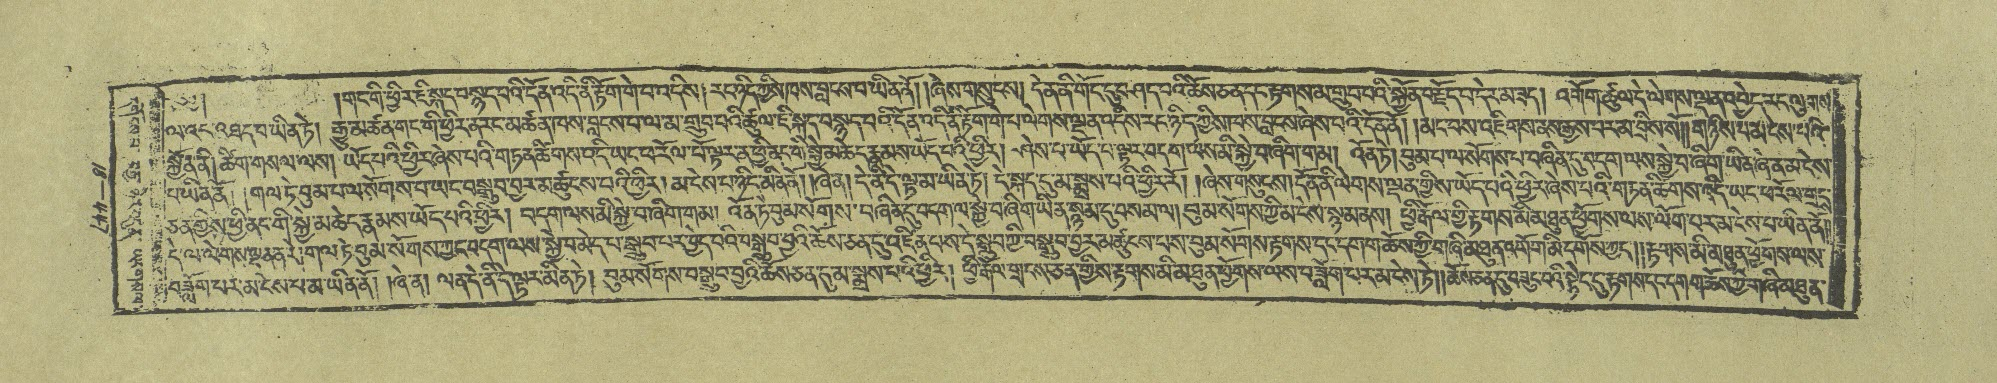༄༅། །གང་གི་ཕྱིར་ཇི་སྐད་བསྙད་པའི་དོན་འདི་ནི་རྟོག་གེ་བ་འདིས། རང་ཉིད་ཀྱིས་ཁས་བླངས་བ་ཡིན་ནོ། །ཞེས་གསུངས། དོན་ནི་གོང་དུ་བཤད་པའི་ཆོས་ཅན་དང་རྟགས་མ་གྲུབ་པའི་སྐྱོན་བརྗོད་པ་དེར་མ་ཟད། འགོག་ཚུལ་དེ་ལེགས་ལྡན་འབྱེད་རང་ལུགས་
ལའང་འཐད་པ་ཡིན་ཏེ། རྒྱུ་མཚན་གང་གི་ཕྱིར་ན་རང་མཚན་ཁས་བླངས་པ་ལ་མ་གྲུབ་པའི་ཚུལ་ཇི་སྐད་བསྙད་པའི་དོན་འདི་ནི་རྟོག་གེ་བ་ལེགས་ལྡན་འདིས་རང་ཉིད་ཀྱིས་ཁས་བླངས་ཞེས་པའི་དོན་ནོ། །མང་བས་འཇིགས་ནས་རྒྱས་པར་མ་བྲིས་སོ། །གཉིས་པ་མ་ངེས་པའི་
སྐྱོན་ནི། ཚིག་གསལ་ལས། ཡོད་པའི་ཕྱིར་ཞེས་པའི་གཏན་ཚིགས་འདི་ཡང་ཕ་རོལ་པོ་ལྟར་ན་ཕྱི་ནང་གི་སྐྱེ་མཆེད་རྣམས་ཡོད་པའི་ཕྱིར། ཤེས་པ་ཡོད་པ་ལྟར་བདག་ལས་མི་སྐྱེ་བ་ཞིག་གམ། འོན་ཏེ། བུམ་པ་ལ་སོགས་པ་བཞིན་དུ་བདག་ལས་སྐྱེ་བ་ཞིག་ཡིན་ཞེ་ན་མ་ངེས་
པ་ཡིན་ནོ། །གལ་ཏེ་བུམ་པ་ལ་སོགས་པ་ཡང་བསྒྲུབ་བྱར་མཚུངས་པའི་ཕྱིར། མ་ངེས་པ་ཉིད་མིན་ནོ། །ཞེས་ན། དེ་ནི་དེ་ལྟ་མ་ཡིན་ཏེ། དེ་སྐད་དུ་མ་སྨྲས་པའི་ཕྱིར་རོ། །ཞེས་གསུངས། དོན་ནི་ལེགས་ལྡན་གྱིས་ཡོད་པའི་ཕྱིར་ཞེས་པའི་གཏན་ཚིགས་འདི་ཡང་ཕ་རོལ་གྲངས་
ཅན་གྱིས་ཕྱི་ནང་གི་སྐྱེ་མཆེད་རྣམས་ཡོད་པའི་ཕྱིར། བདག་ལས་མི་སྐྱེ་བ་ཞིག་གམ། འོན་ཏེ་བུམ་སོགས་བཞིན་དུ་བདག་ལ་སྐྱེ་བ་ཞིག་ཡིན་སྙམ་དུ་བསམ་ལ། བུམ་སོགས་ཀྱི་མ་ངེས་སྙམ་ནས། ཕྱི་རྒོལ་གྱི་རྟགས་མི་མཐུན་ཕྱོགས་ལས་ལོག་པར་མ་ངེས་པ་ཡིན་ནོ།།
དེ་ལ་ལེགས་ལྡན་ན་རེ། གལ་ཏེ་བུམ་སོགས་ཀྱང་བདག་ལས་སྐྱེ་བ་མེད་པ་སྒྲུབ་པར་བྱེད་པའི་བསྒྲུབ་བྱའི་ཆོས་ཅན་དུ་འཛིན་པས་དེ་སྒྲུབ་ཀྱི་བསྒྲུབ་བྱར་མཚུངས་པས་བུམ་སོགས་རྟགས་དང་དགག་ཆོས་ཀྱི་གཞི་མཐུན་འགོག་མི་དགོས་ཀྱང་། །རྟགས་མི་མཐུན་ཕྱོགས་ལས་
བཟློག་པར་མ་ངེས་པ་མ་ཡིན་ནོ། །ཞེ་ན། ལན་དེ་ནི་དེ་ལྟར་མིན་ཏེ། བུམ་སོགས་བསྒྲུབ་བྱའི་ཆོས་ཅན་དུ་མ་སྨྲས་པའི་ཕྱིར། ཕྱི་རྒོལ་གྲངས་ཅན་གྱིས་རྟགས་མི་མཐུན་ཕྱོགས་ལས་བཟློག་པར་མ་ངེས་ཏེ། །ཆོས་ཅན་དུ་བཟུང་བའི་སྟེང་དུ་རྟགས་དང་དགག་ཆོས་ཀྱི་གཞི་མཐུན་